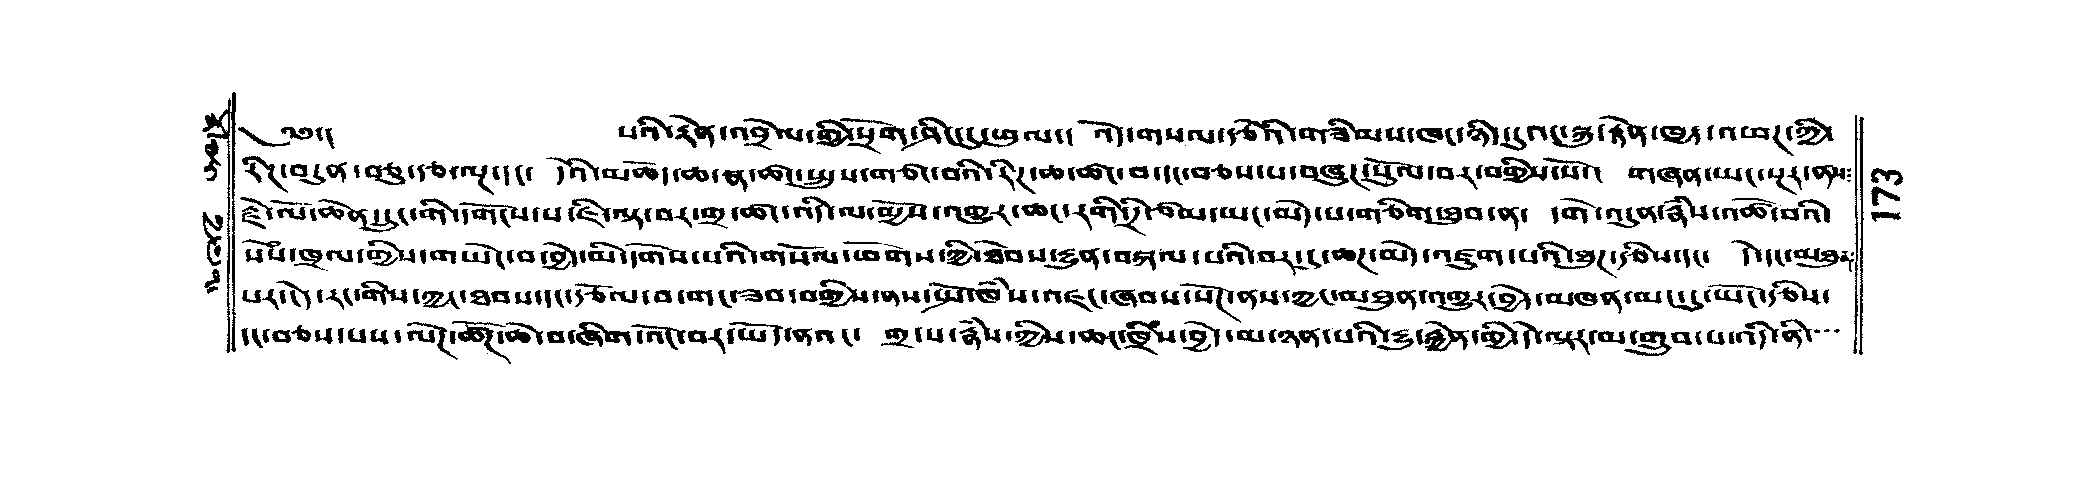པའི་རྟེན་འབྲེལ་གྱི་སྲོག་ཤིང་དུ་ཕུལ། འོད་གསལ་རྩེའི་གཟིམས་ཁང་ཉིད་དུའང་སྐུ་རྟེན་ཁྱད་འཕགས་ཀྱི་
རིགས་བདུན་བཅུ་རྩ་ལྔ་དང་། དེའི་མཆོད་ཆ་སྣ་ཚང་སྤུས་གཙང་བའི་རིགས་ཆ་ཚང་བ་དང་བཅས་པ་བཞུགས་སུ་གསོལ་བར་བགྱིས་སོ། གཞན་ཡང་སྔར་ནས་
རྗེ་ལོ་ཆེན་དྲུང་གི་དགོངས་པ་ཇི་ལྟ་བར་གྲྭ་ཚང་འདི་ལ་མྱོས་འགྱུར་ཆང་རག་གི་དྲི་ཙམ་ཡང་མེད་པ་གཅིག་ཐུབ་ན། དགེ་འདུན་རྣམས་འཚོ་བའི་
སེམས་ཁྲལ་གྱིས་གཡེང་བ་བྱེད་མི་དགོས་པའི་གསོལ་ཕོགས་ཀྱི་ཐེབས་རྒྱུན་བསྐལ་པའི་བར་དུ་ཆགས་མེད་འཛུག་པའི་ཐུགས་རྩིས་དང་། དེ་དང་མཐུན་
པར་ངེད་རང་གིས་ཀྱང་ཐབས་དང་རྩོལ་བ་གང་ཟབ་བགྱིས་ནས་སྤོ་ཁམས་འཇང་ཞབས་སོགས་ནས་ཀྱང་མཐུན་འགྱུར་བྱེད་མཁན་མང་དུ་ཡོང་རྩིས་
དང་བཅས་པས་ལེགས་ཚོགས་ཆེ་བ་ཞིག་འོང་བར་ཡོད་ནའང་། གྲྭ་པ་རྣམས་ཀྱི་ཆང་ཁྲིམས་བྱེད་མ་ཉན་པའི་རྒྱུ་རྐྱེན་གྱི་དེ་ལྟར་མ་གྲུབ་པ་འདི་ནི་